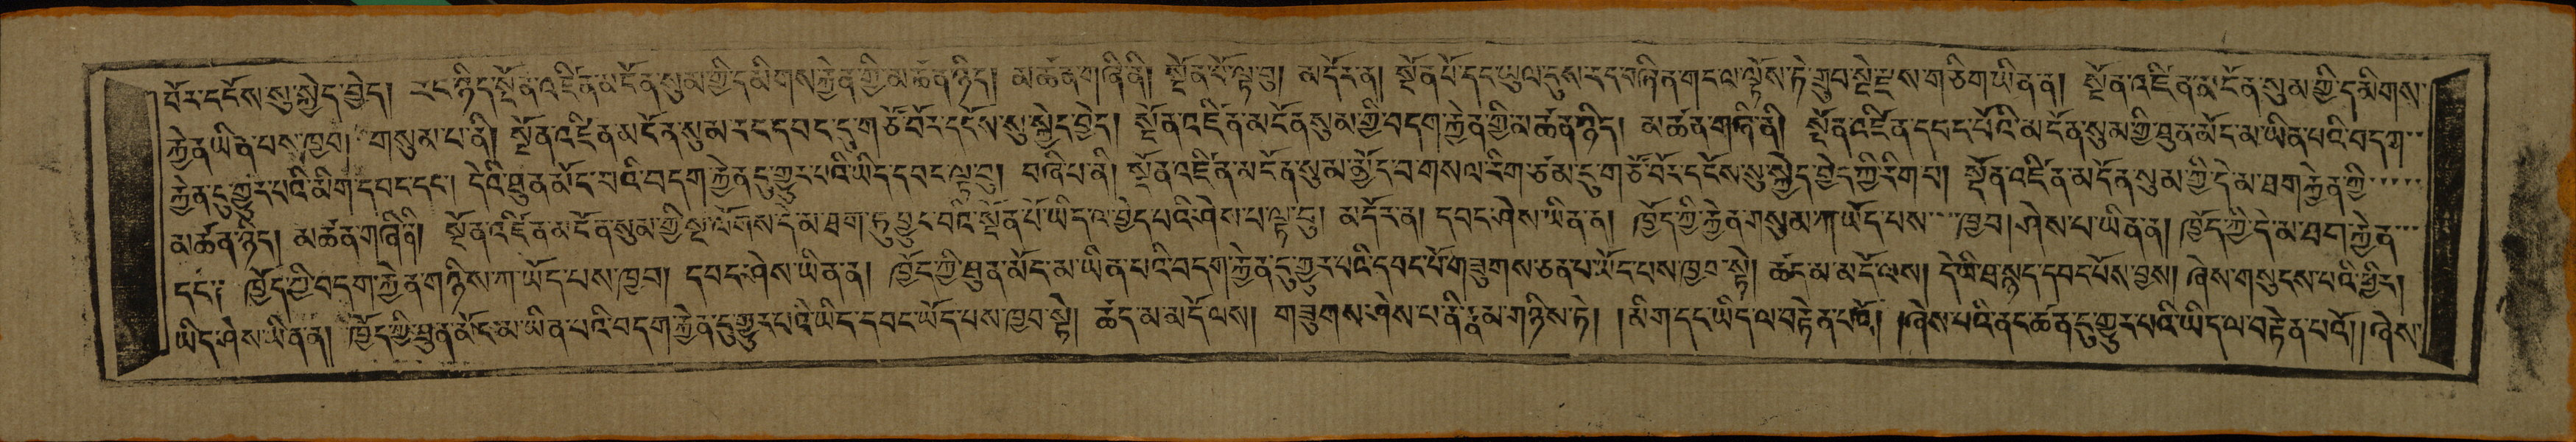བོར་དངོས་སུ་སྐྱེད་བྱེད། རང་ཉིད་སྔོན་འཛིན་མངོན་སུམ་གྱི་དམིགས་རྐྱེན་གྱི་མཚན་ཉིད། མཚན་གཞི་ནི། སྔོན་པོ་ལྟ་བུ། མདོར་ན། སྔོན་པོ་དང་ཡུལ་དུས་རང་བཞིན་གང་ལ་ལྟོས་ཏེ་གྲུབ་སྡེ་རྫས་གཅིག་ཡིན་ན། སྔོན་འཛིན་མངོན་སུམ་གྱི་དམིགས་
རྐྱེན་ཡིན་པས་ཁྱབ། གསུམ་པ་ནི། སྔོན་འཛིན་མངོན་སུམ་རང་དབང་དུ་གཙོ་བོར་དངོས་སུ་སྐྱེད་བྱེད། སྔོན་འཛིན་མངོན་སུམ་གྱི་བདག་རྐྱེན་གྱི་མཚན་ཉིད། མཚན་གཞི་ནི། སྔོན་འཛིན་དབང་པོའི་མངོན་སུམ་གྱི་ཐུན་མོང་མ་ཡིན་པའི་བདག་
རྐྱེན་དུ་གྱུར་པའི་མིག་དབང་དང་། དེའི་ཐུན་མོང་པའི་བདག་རྐྱེན་དུ་གྱུར་པའི་ཡིད་དབང་ལྟ་བུ། བཞི་པ་ནི། སྔོན་འཛིན་མངོན་སུམ་མྱོང་བ་གསལ་རིག་ཙམ་དུ་གཙོ་བོར་དངོས་སུ་སྐྱེད་བྱེད་ཀྱི་རིག་པ། སྔོན་འཛིན་མངོན་སུམ་གྱི་དེ་མ་ཐག་རྐྱེན་གྱི་
མཚན་ཉིད། མཚན་གཞི་ནི། སྔོན་འཛིན་མངོན་སུམ་གྱི་སྔ་ལོགས་དེ་མ་ཐག་ཏུ་བྱུང་བའི་སྔོན་པོ་ཡིད་ལ་བྱེད་པའི་ཤེས་པ་ལྟ་བུ། མདོར་ན། དབང་ཤེས་ཡིན་ན། ཁྱོད་ཀྱི་རྐྱེན་གསུམ་ཀ་ཡོད་པས་ཁྱབ། ཤེས་པ་ཡིན་ན། ཁྱོད་ཀྱི་དེ་མ་ཐག་རྐྱེན་
དང༑ ཁྱོད་ཀྱི་བདག་རྐྱེན་གཉིས་ཀ་ཡོད་པས་ཁྱབ། དབང་ཤེས་ཡིན་ན། ཁྱོད་ཀྱི་ཐུན་མོང་མ་ཡིན་པའི་བདག་རྐྱེན་དུ་གྱུར་པའི་དབང་པོ་གཟུགས་ཅན་པ་ཡོད་པས་ཁྱབ་སྟེ། ཚད་མ་མདོ་ལས། དེ་ཡི་ཐ་སྙད་དབང་པོས་བྱས། ཞེས་གསུངས་པའི་ཕྱིར།
ཡིད་ཤེས་ཡིན་ན། ཁྱོད་ཀྱི་ཐུན་མོང་མ་ཡིན་པའི་བདག་རྐྱེན་དུ་གྱུར་པའི་ཡིད་དབང་ཡོད་པས་ཁྱབ་སྟེ། ཚད་མ་མདོ་ལས། གཟུགས་ཤེས་པ་ནི་རྣམ་གཉིས་ཏེ། །མིག་དང་ཡིད་ལ་བརྟེན་པའོ། །ཞེས་པའི་ནང་ཚན་དུ་གྱུར་པའི་ཡིད་ལ་བརྟེན་པའོ། །ཞེས་